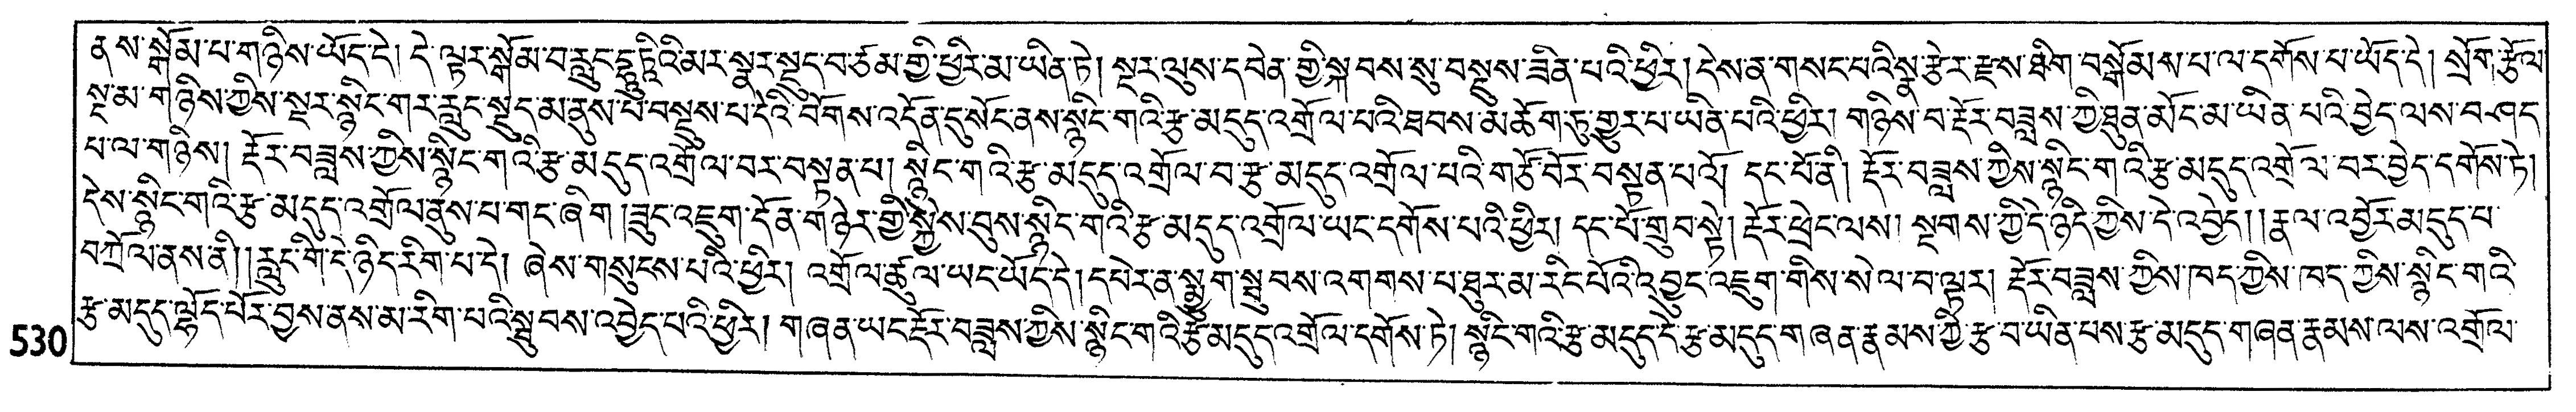ནས་སྒོམ་པ་གཉིས་ཡོད་དེ། དེ་ལྟར་སྒོམ་བ་རླུང་དྷཱུ་ཏཱིའི་མར་སྣར་སྡུད་བ་ཙམ་གྱི་ཕྱིར་མ་ཡིན་ཏེ། སྔར་ལུས་དབེན་གྱི་སྐབས་སུ་བསྡུས་ཟིན་པའི་ཕྱིར། དེས་ན་གསང་བའི་སྣ་རྩེར་རྫས་ཐིག་བསྒོམས་པ་ལ་དགོས་པ་ཡོད་དེ། སྲོག་རྩོལ་
སྔ་མ་གཉིས་ཀྱིས་སྔར་སྙིང་གར་རླུང་སྡུད་མ་ནུས་པ་བསྡུས་པ་དེའི་བོགས་འདོན་དུ་སོང་ནས་སྙིང་གའི་རྩ་མདུད་འགྲོལ་པའི་ཐབས་མཆོག་ཏུ་གྱུར་པ་ཡིན་པའི་ཕྱིར། གཉིས་པ་རྡོར་བཟླས་ཀྱི་ཐུན་མོང་མ་ཡིན་པའི་བྱེད་ལས་བཤད་
པ་ལ་གཉིས། རྡོར་བཟླས་ཀྱིས་སྙིང་གའི་རྩ་མདུད་འགྲོལ་བར་བསྟན་པ། སྙིང་གའི་རྩ་མདུད་འགྲོལ་བ་རྩ་མདུད་འགྲོལ་པའི་གཙོ་བོར་བསྟན་པའོ། །དང་པོ་ནི། རྡོར་བཟླས་ཀྱིས་སྙིང་གའི་རྩ་མདུད་འགྲོལ་བར་བྱེད་དགོས་ཏེ།
དེས་སྙིང་གའི་རྩ་མདུད་འགྲོལ་ནུས་པ་གང་ཞིག །ཟུང་འཇུག་དོན་གཉེར་གྱི་སྐྱེས་བུས་སྙིང་གའི་རྩ་མདུད་འགྲོལ་ཡང་དགོས་པའི་ཕྱིར། དང་པོ་གྲུབ་སྟེ། རྡོར་ཕྲེང་ལས། སྔགས་ཀྱི་དེ་ཉིད་ཀྱིས་དེ་འབྱེད། །རྣལ་འབྱོར་མདུད་པ་
བཀྲོལ་ནས་ནི། །རླུང་གི་དེ་ཉིད་རིག་པ་དེ། ཞེས་གསུངས་པའི་ཕྱིར། འགྲོལ་ཚུལ་ཡང་ཡོད་དེ། དཔེར་ན་སྨྱུག་སྦུབས་འགགས་པ་ཐུར་མ་རིང་པོའི་འབྱུང་འཇུག་གིས་སེལ་བ་ལྟར། རྡོར་བཟླས་ཀྱིས་ཁད་ཀྱིས་ཁད་ཀྱིས་སྙིང་གའི་
རྩ་མདུད་ལྷོད་པོར་བྱས་ནས་མ་རིག་པའི་སྦུབས་འབྱེད་པའི་ཕྱིར། གཞན་ཡང་རྡོར་བཟླས་ཀྱིས་སྙིང་གའི་རྩ་མདུད་འགྲོལ་དགོས་ཏེ། སྙིང་གའི་རྩ་མདུད་དེ་རྩ་མདུད་གཞན་རྣམས་ཀྱི་རྩ་བ་ཡིན་པས་རྩ་མདུད་གཞན་རྣམས་ལས་འགྲོལ་